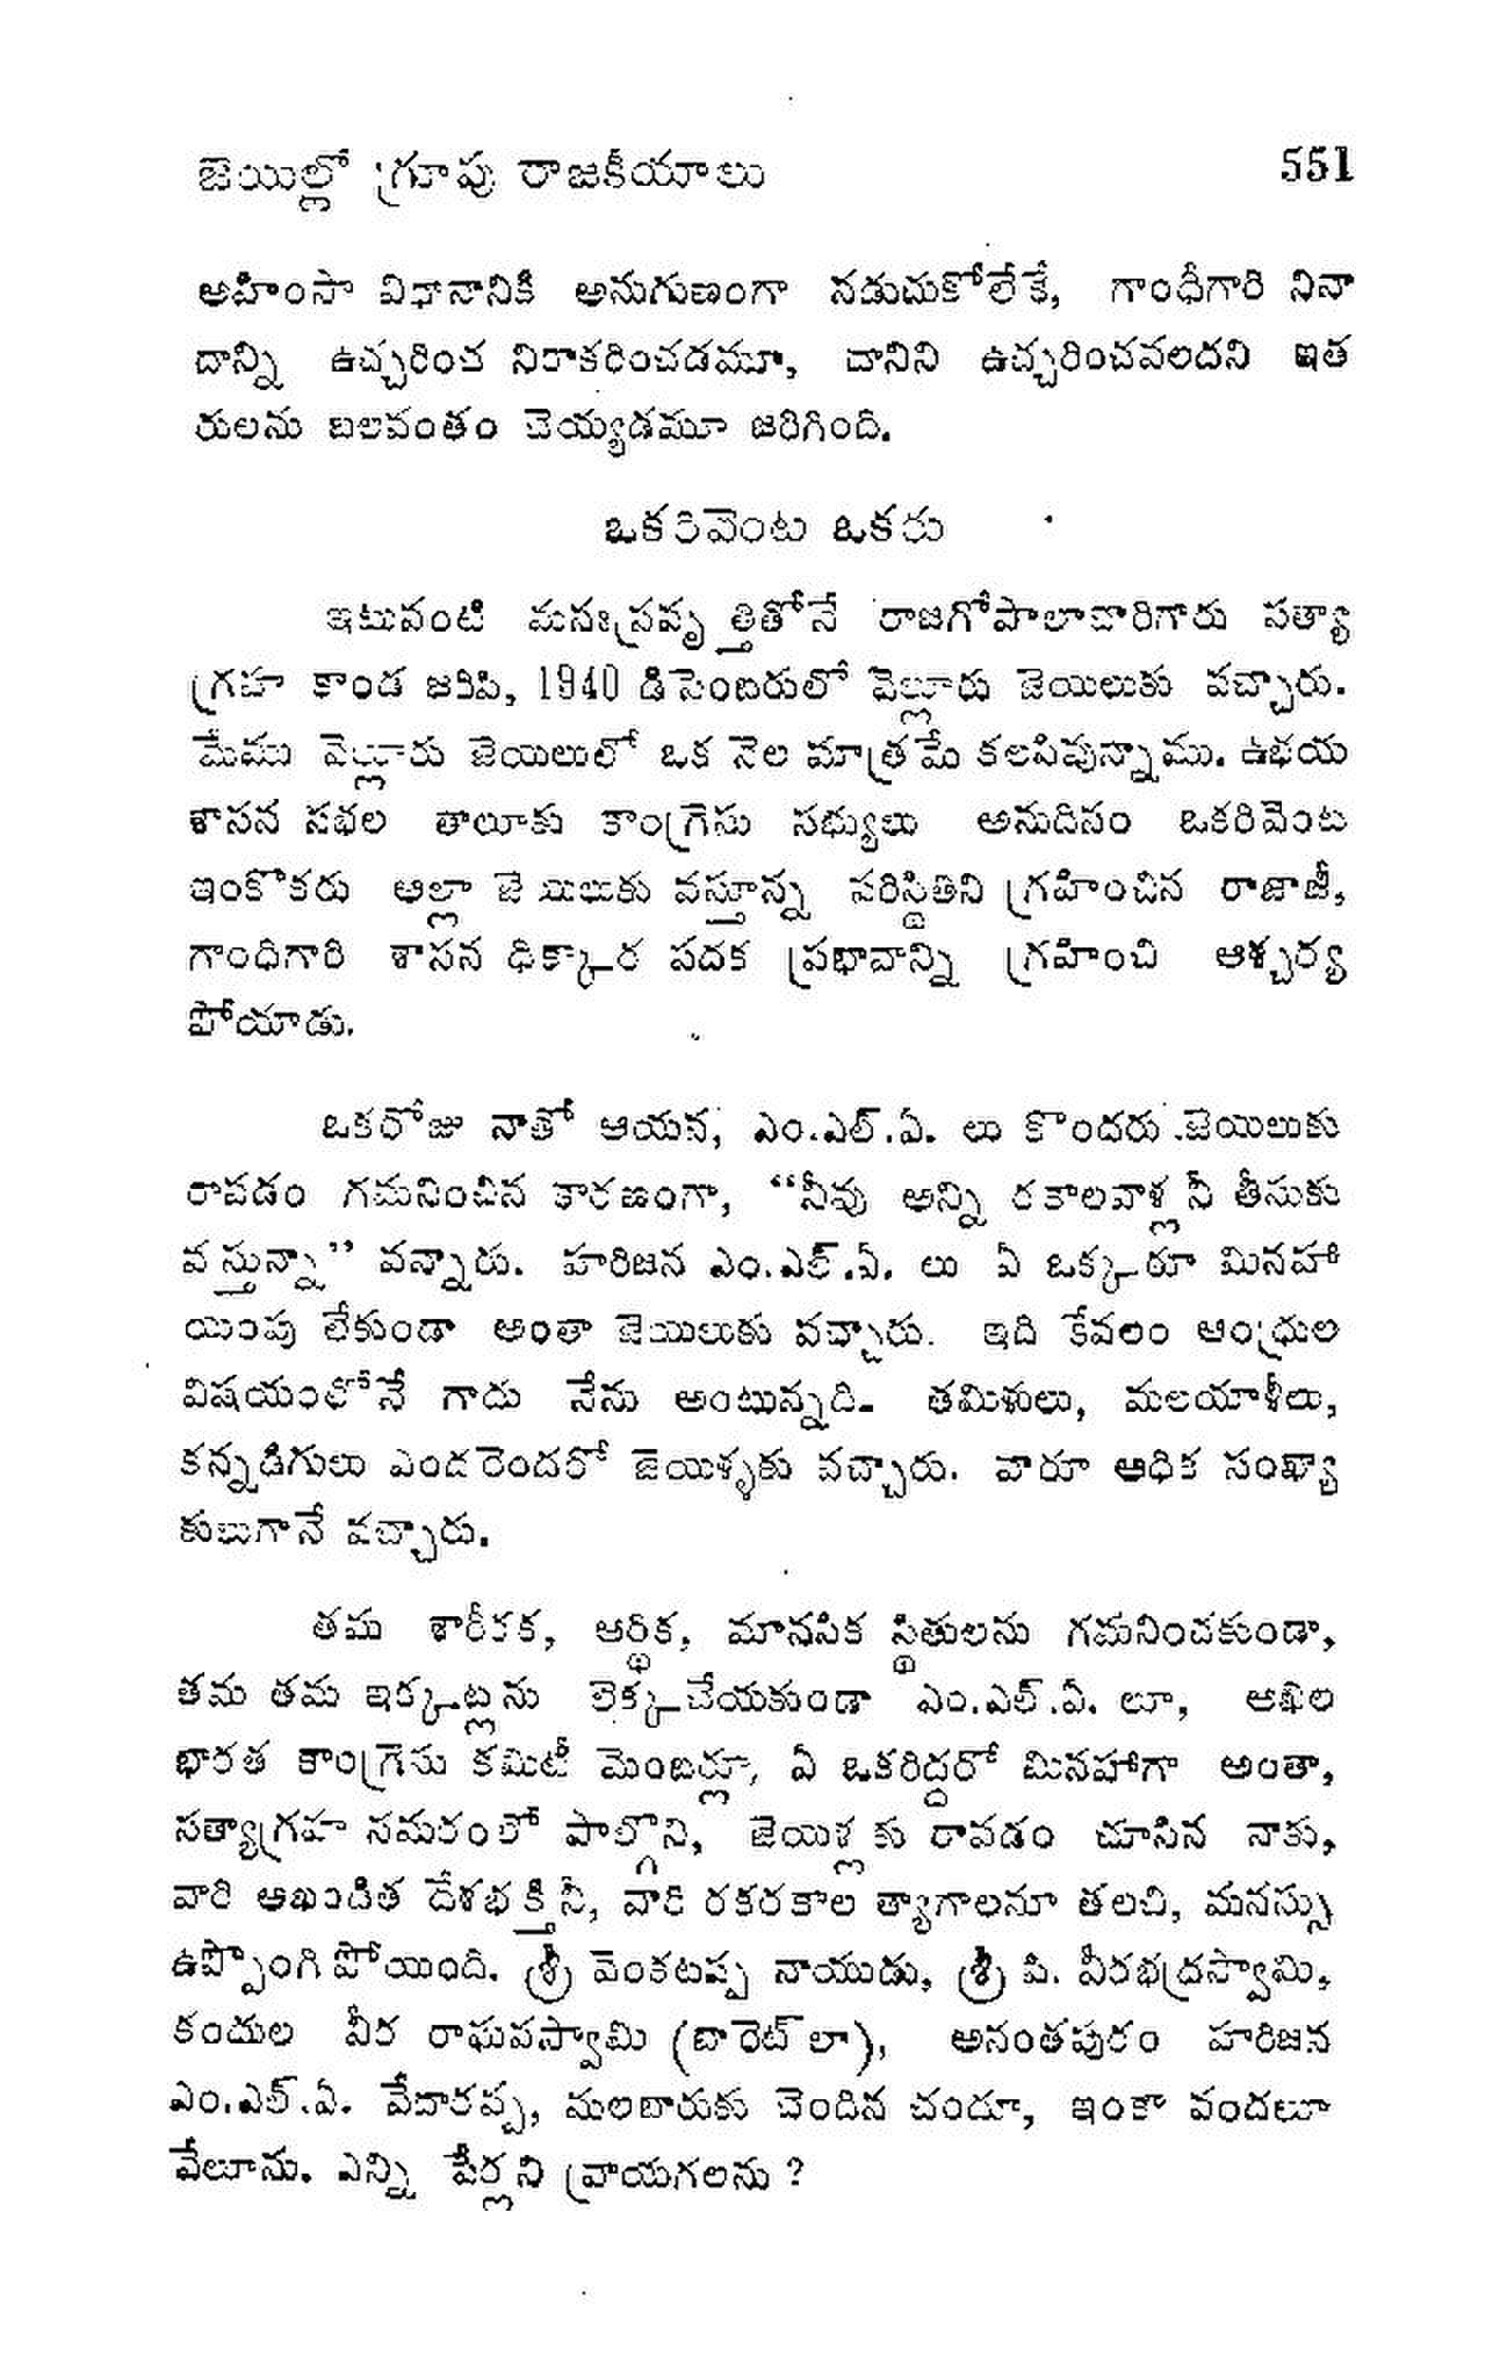అహింసా విధానానికి అనుగుణంగా నడుచుకోలేకే, గాంధీగారి నినాదాన్ని ఉచ్చరించ నిరాకరించడమూ, దానిని ఉచ్చరించవలదని ఇతరులను బలవంతం చెయ్యడమూ జరిగింది.

ఇటువంటి మన:ప్రవృత్తితోనే రాజగోపాలాచారిగారు సత్యాగ్రహ కాండ జరిపి, 1940 డిసెంబరులో వెల్లూరు జెయిలుకు వచ్చారు. మేము వెల్లూరు జెయిలులో ఒక నెల మాత్రమే కలసివున్నాము. ఉభయ శాసన సభల తాలూకు కాంగ్రెసు సభ్యులు అనుదినం ఒకరివెంట ఇంకొకరు అల్లా జెయిలుకు వస్తూన్న పరిస్థితిని గ్రహించిన రాజాజీ, గాంధిగారి శాసన ధిక్కార పదక ప్రభావాన్ని గ్రహించి ఆశ్చర్యపోయాడు.

ఒకరోజు నాతో ఆయన, ఎం. ఎల్. ఏ. లు కొందరు జెయిలుకు రావడం గమనించిన కారణంగా, "నీవు అన్ని రకాలవాళ్ల నీ తీసుకువస్తున్నా" వన్నారు. హరిజన ఎం. ఎల్. ఏ. లు ఏ ఒక్కరూ మినహాయింపు లేకుండా అంతా జెయిలుకు వచ్చారు. ఇది కేవలం ఆంధ్రుల విషయంలోనే గాదు నేను అంటున్నది - తమిళులు, మలయాళీలు, కన్నడిగులు ఎందరెందరో జెయిళ్ళకు వచ్చారు. వారూ అధిక సంఖ్యాకులుగానే వచ్చారు.

తమ శారీరక, ఆర్థిక, మానసిక స్థితులను గమనించ కుండా, తమ తమ ఇక్కట్లను లెక్క చేయకుండా ఎం. ఎల్. ఏ. లూ, అఖిల భారత కాంగ్రెసు కమిటీ మెంబర్లూ, ఏ ఒకరిద్దరో మినహాగా అంతా, సత్యాగ్రహ సమరంలో పాల్గొని, జెయిళ్లకు రావడం చూసిన నాకు, వారి అఖండిత దేశభక్తినీ, వారి రకరకాల త్యాగాలనూ తలచి, మనస్సు ఉప్పొంగి పోయింది. శ్రీ వెంకటప్ప నాయుడు, శ్రీ పి. వీరభద్రస్వామి, కందుల వీర రాఘవస్వామి (బారెట్ లా), అనంతపురం హరిజన ఎం. ఎల్. ఏ. వేదారప్ప, మలబారుకు చెందిన చందూ, ఇంకా వందలూ వేలూను. ఎన్ని పేర్లని వ్రాయగలను?